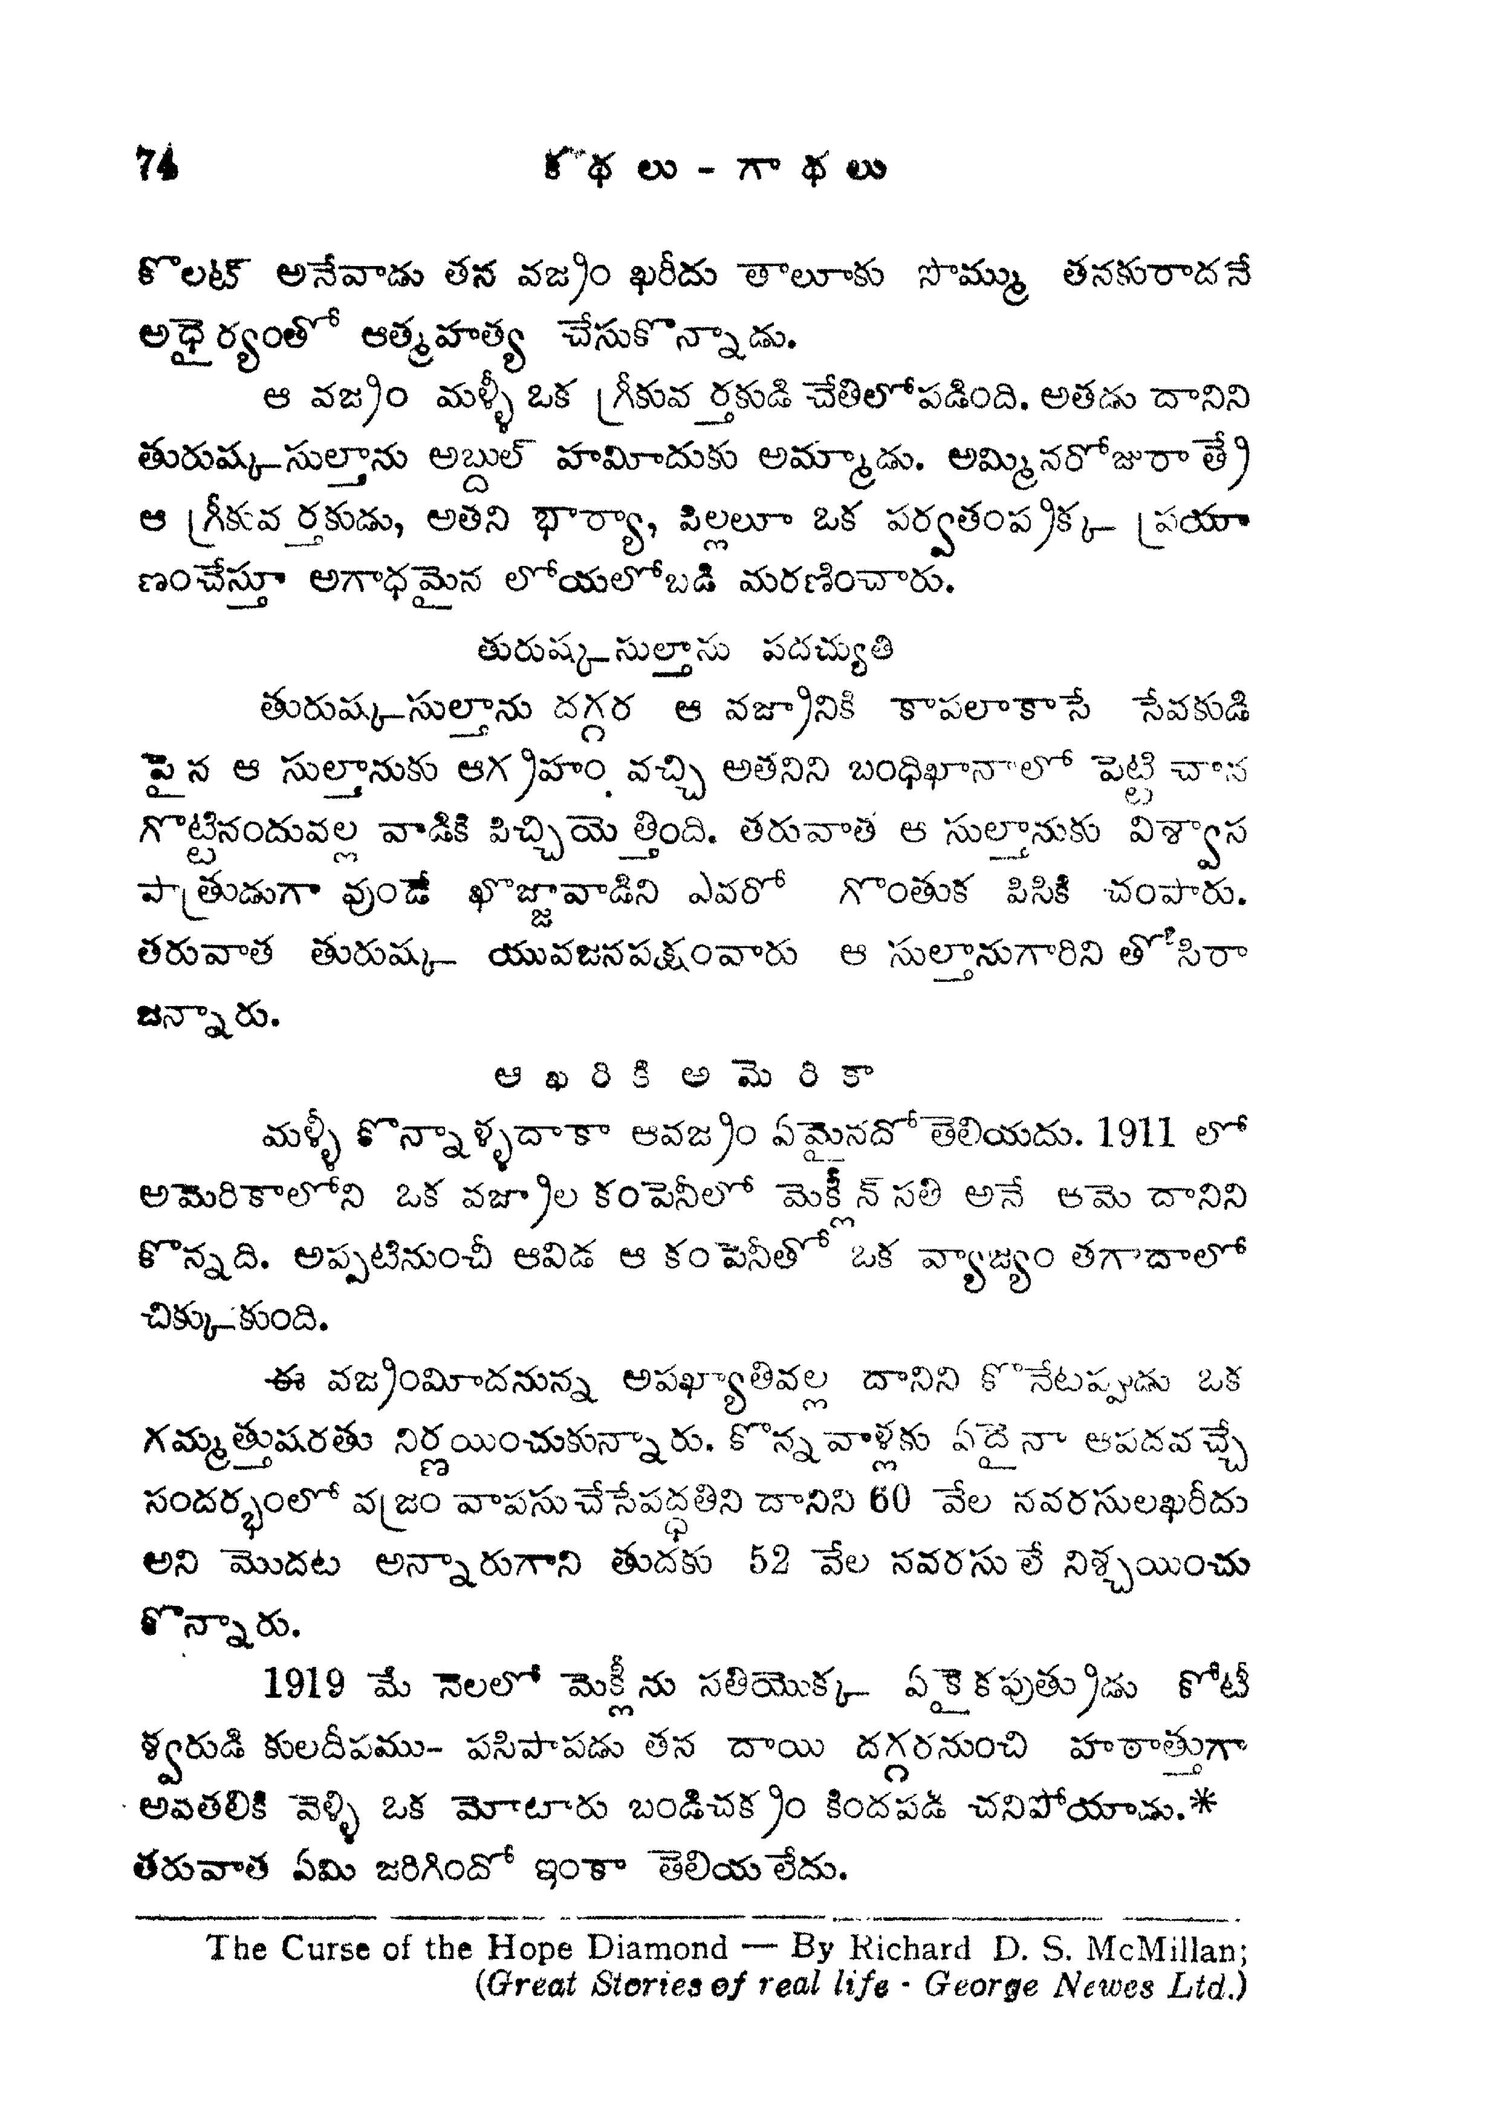కొలట్ అనేవాడు తన వజ్రం ఖరీదు తాలూకు సొమ్ము తనకురాదనే
అధైర్యంతో ఆత్మహత్య చేసుకొన్నాడు.
ఆ వజ్రం మళ్ళీ ఒక గ్రీకువ ర్తకుడి చేతిలో పడింది. అతడు దానిని
తురుష్క సుల్తాను అబ్దుల్ హమీదుకు అమ్మాడు. అమ్మినరోజురాత్రే 
ఆ గ్రీకువర్తకుడు, అతని భార్యా,పిల్లలూ ఒక పర్వతం ప్రక్క ప్రయా
ణం చేస్తూ అగాధమైన లోయలోబడి మరణించారు.

తురుష్క సుల్తాను దగ్గర ఆ వజ్రానికి కాపలాకాసే సేవకుడి
పైన ఆ సుల్తానుకు ఆగహం వచ్చి అతనిని బంధిఖానాలో పెట్టి చావ
గొట్టినందువల్ల వాడికి పిచ్చి యెత్తింది. తరువాత ఆ సుల్తానుకు విశ్వాస
పాత్రుడుగా వుండే ఖాజా వాడిని ఎవరో గొంతుక పిసికి చంపారు.
తరువాత తురుష్క, యువజన పక్షంవారు ఆ సుల్తానుగారిని తోసిరా
జన్నారు.

తగాదాలో మళ్ళీ కొన్నాళ్ళదాకా ఆవజ్రం ఏమైనదో తెలియదు. 1911 లో
అమెరికాలోని ఒక వజ్రాల కంపెనీలో మెక్లీన్ సతి అనే ఆమె దానిని
కొన్నది. అప్పటినుంచీ ఆవిడ ఆ కంపెనీతో ఒక వ్యాజ్యం తగాదాలో
చిక్కుకుంది.
ఈ వజ్రం మీదనున్న అపఖ్యాతివల్ల దానిని కొనేటప్పుడు ఒక
గమ్మత్తుషరతు నిర్ణయించుకున్నారు. కొన్న వాళ్లకు ఏదైనా ఆపదవ చ్చే
సందర్భంలో వజ్రం వాపసు చేసే పద్ధతిని దానిని 60 వేల నవరసులఖరీదు
అని మొదట అన్నారుగాని తుదకు 52 వేల నవరసు లే నిశ్చయించు
కొన్నారు.
1919 మే నెలలో మెక్లీసు సతియొక్క ఏకైక పుత్రుడు కోటీ
శ్వరుడి కులదీపము- పసిపాపడు తన దాయి దగ్గరనుంచి హఠాత్తుగా
అవతలికి వెళ్ళి ఒక మోటారు బండిచక్రం కింద పడి చనిపోయాడు. *
తరువాత ఏమి జరిగిందో ఇంకా తెలియ లేదు.
.........................................................................................................